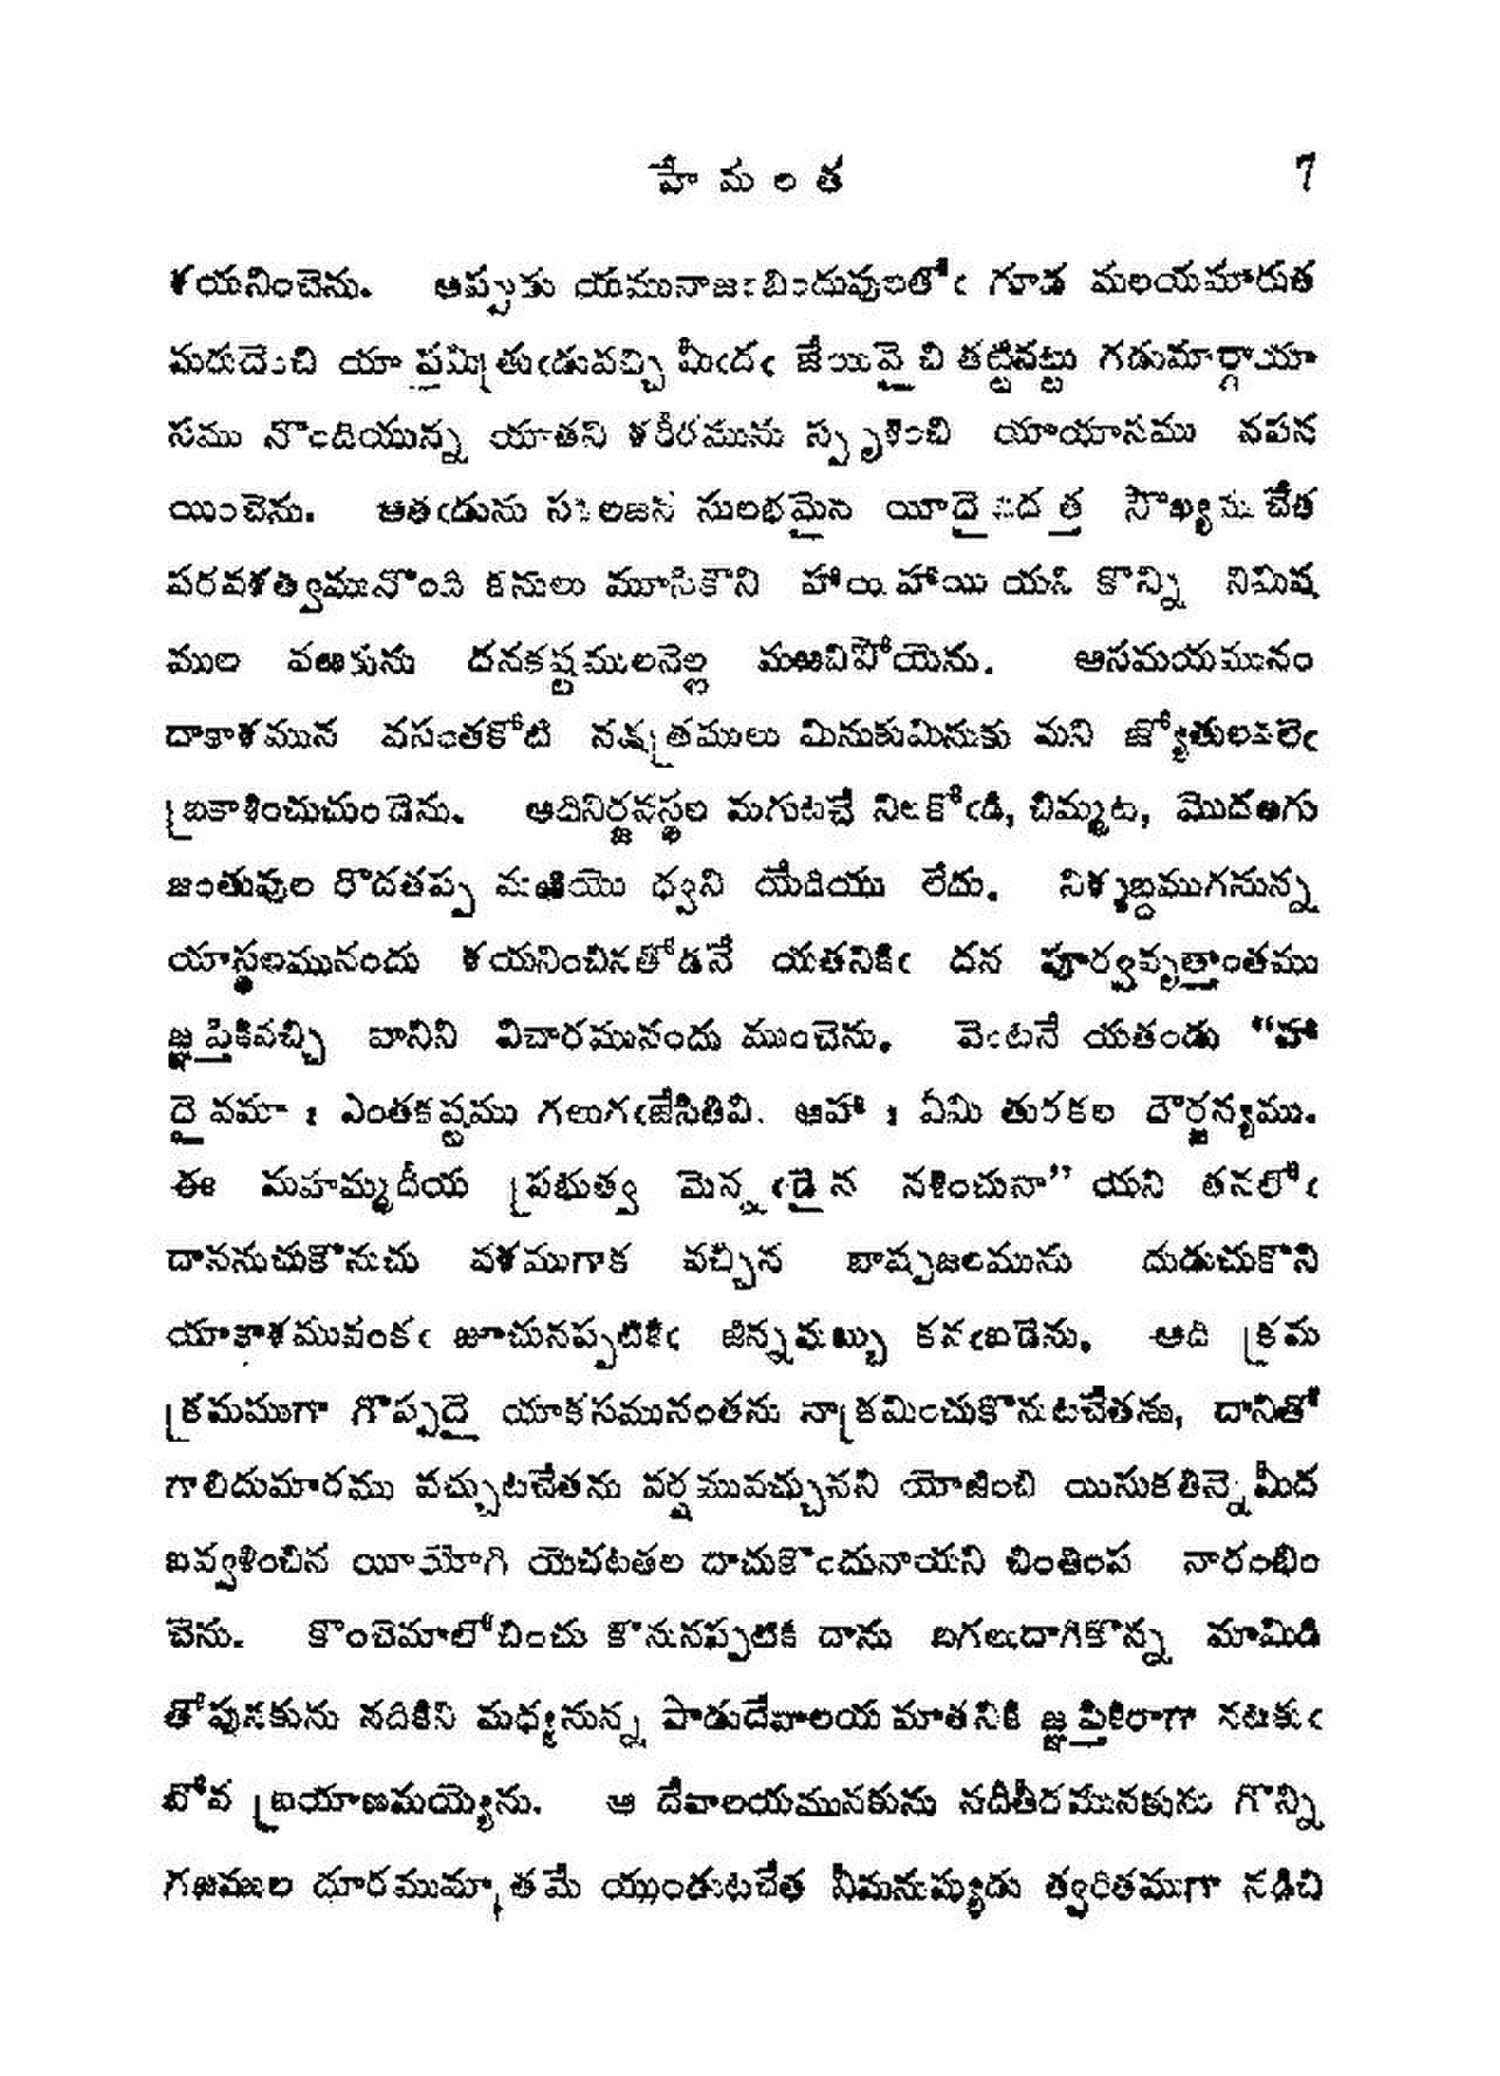శయనించెను. అప్పుడు యమునాజలబిందువులతోఁ గూడ మలయమారుత మరుదెంచి యాప్తమిత్రుఁడువచ్చి మీఁదఁ జేయివైచి తట్టినట్టు గడుమార్గాయాసము నొందియున్న యాతని శరీరమును స్పృశించి యాయాసము నపన యించెను. ఆతఁడును సకలజన సులభమైన యీదైవదత్త సౌఖ్యము చేత పరవశత్వమునొంది కనులు మూసికొని హాయి హాయి యని కొన్ని నిమిషముల వఱకును దనకష్టములనెల్ల మఱచిపోయెను. ఆసమయమునం దాకాశమున వసంతకోటి నక్షత్రములు మినుకుమినుకు మని జ్యోతులవలెఁ బ్రకాశించుచుండెను. అదినిర్జనస్థల మగుటచే నిలకోఁడి, చిమ్మట, మొదలగు జంతువుల రొదతప్ప మఱియొ ధ్వని యేదియు లేదు. నిశ్శబ్దముగనున్న యాస్థలమునందు శయనించినతోడనే యతనికిఁ దన పూర్వవృత్తాంతము జ్ఞప్తికివచ్చి వానిని విచారమునందు ముంచెను. వెంటనే యతండు “హా దైవమా! ఎంతకష్టము గలుగఁజేసితివి, ఆహా! ఏమీ తురకల దౌర్జన్యము. ఈ మహమ్మదీయ ప్రభుత్వ మెన్నఁడై న నశించునా” యని తనలో దాననుచుకొనుచు వశముగాక వచ్చిన బాష్పజలమును దుడుచుకొని యాకాశమువంకఁ జూచునప్పటికిఁ జిన్నమబ్బు కనఁబడెను, అది క్రమ క్రమముగా గొప్పదై యాకసమునంతను నాక్రమించుకొనుటచేతను, దానితో గాలిదుమారము వచ్చుటచేతను వర్షమువచ్చునని యోజించి యిసుక తిన్నె మీద బవ్వళించిన యోగి యెచట తలదాచుకొందునోయని చింతింప నారంభించెను. కొంచెమాలోచించు కొనునప్పటికి దాను బగలుదాగికొన్న మామిడి తోపునకును నదికిని మధ్యనున్న పాడుదేవాలయ మాతనికి జ్ఞప్తికిరాగా నటకుఁ బోవ బ్రయాణమయ్యెను. ఆ దేవాలయమునకును నదీతీరమునకు గొన్ని గజముల దూరముమాత్రమే యుండుటచేత నీమనుష్యుడు త్వరితముగా నడిచి